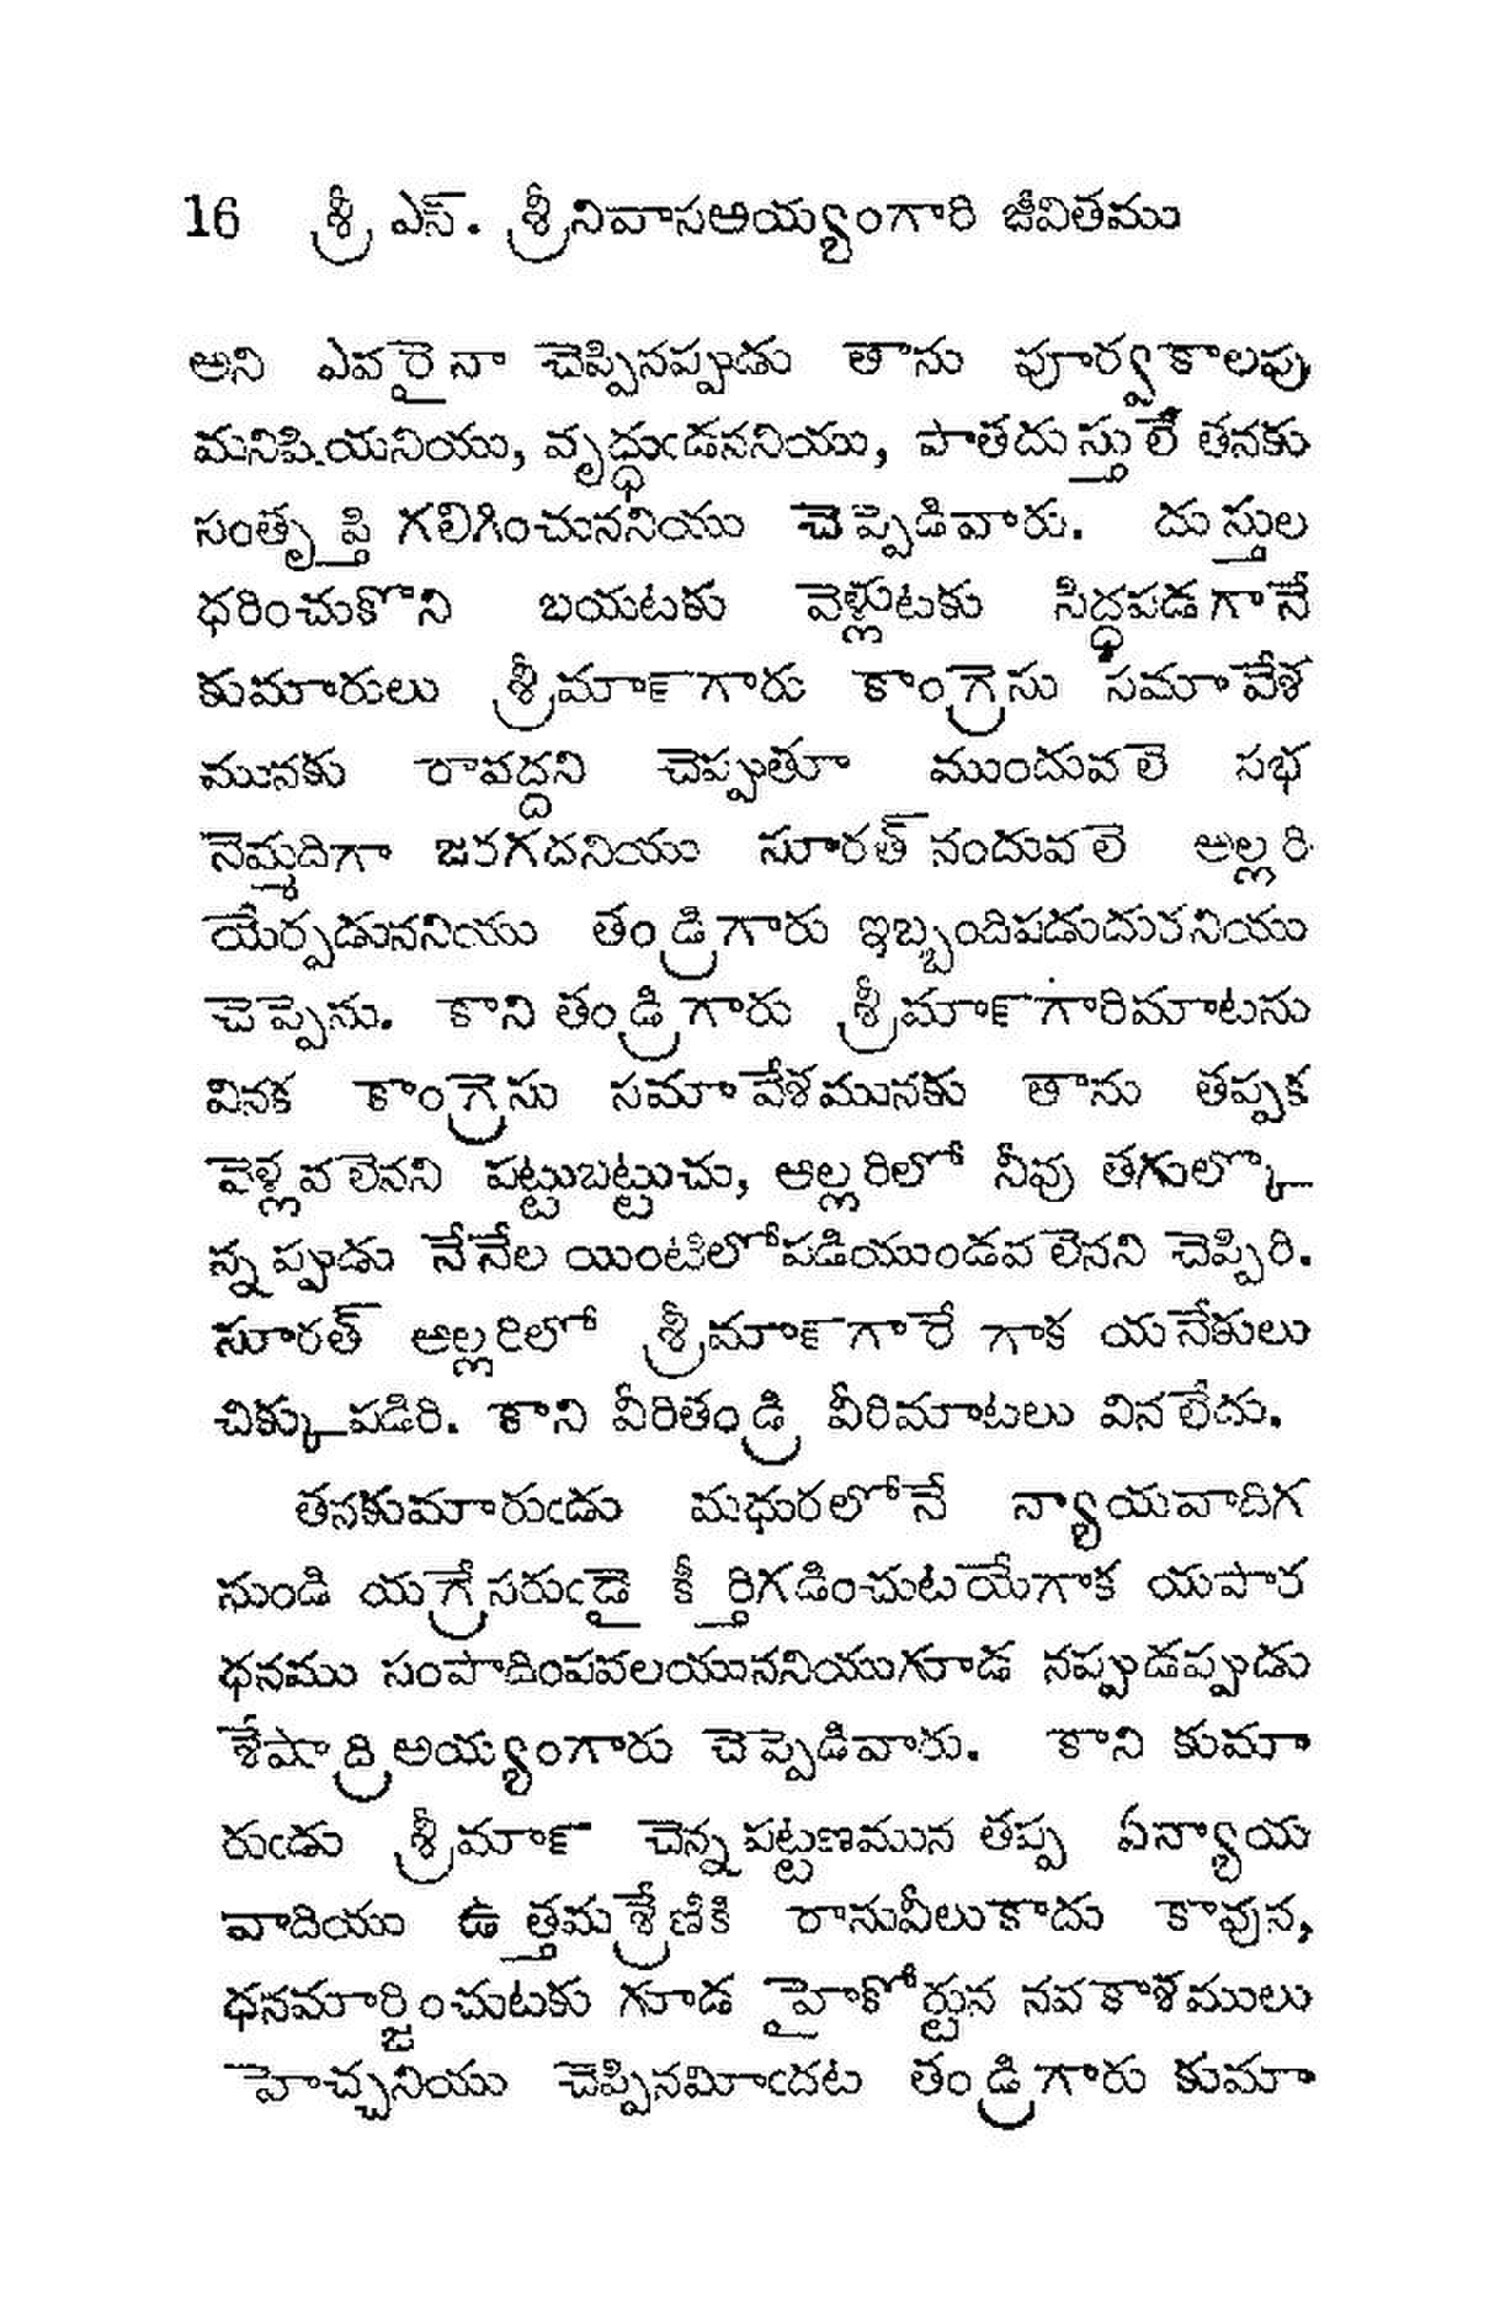అని ఎవరైనా చెప్పినప్పుడు తాను పూర్వకాలపు మనిషియనియు, వృద్ధుఁడననియు, పాతదుస్తులే తనకు సంతృప్తి గలిగించుననియు చెప్పిడివారు. దుస్తుల ధరించుకొని బయటకు వెళ్లుటకు సిద్ధపడగానే కుమారులు శ్రీమా౯గారు కాంగ్రెసు సమావేశమునకు రావద్దని చెప్పుతూ ముందువలె సభ నెమ్మదిగా జరగదనియు సూరత్‌నందువలె అల్లరి యేర్పడుననియు తండ్రిగారు ఇబ్బందిపడుదురనియు చెప్పెను. కానితండ్రిగారు శ్రీమా౯గారిమాటను వినక కాంగ్రెసు సమావేశమునకు తాను తప్పక వెళ్లవలెనని పట్టుబట్టుచు, అల్లరిలో నీవు తగుల్కొన్నప్పుడు నేనేల యింటిలోపడియుండవలెనని చెప్పిరి. సూరత్ అల్లరిలో శ్రీమా౯గారే గాక యనేకులు చిక్కుపడిరి. కాని వీరితండ్రి వీరిమాటలు వినలేదు.

తనకుమారుఁడు మధురలోనే న్యాయవాదిగ నుండి యగ్రేసరుఁడై కీర్తిగడించుటయేగాక యపారధనము సంపాదింపవలయుననియుగూడ నప్పుడప్పుడు శేషాద్రిఅయ్యంగారు చెప్పెడివారు. కాని కుమారుఁడు శ్రీమా౯ చెన్నపట్టణమున తప్ప ఏన్యాయవాదియు ఉత్తమశ్రేణికి రానువీలుకాదు కావున, ధనమార్జించుటకు గూడ హైకోర్టున నవకాశములు
హెచ్చనియు చెప్పినమీఁదట తండ్రిగారు కుమా